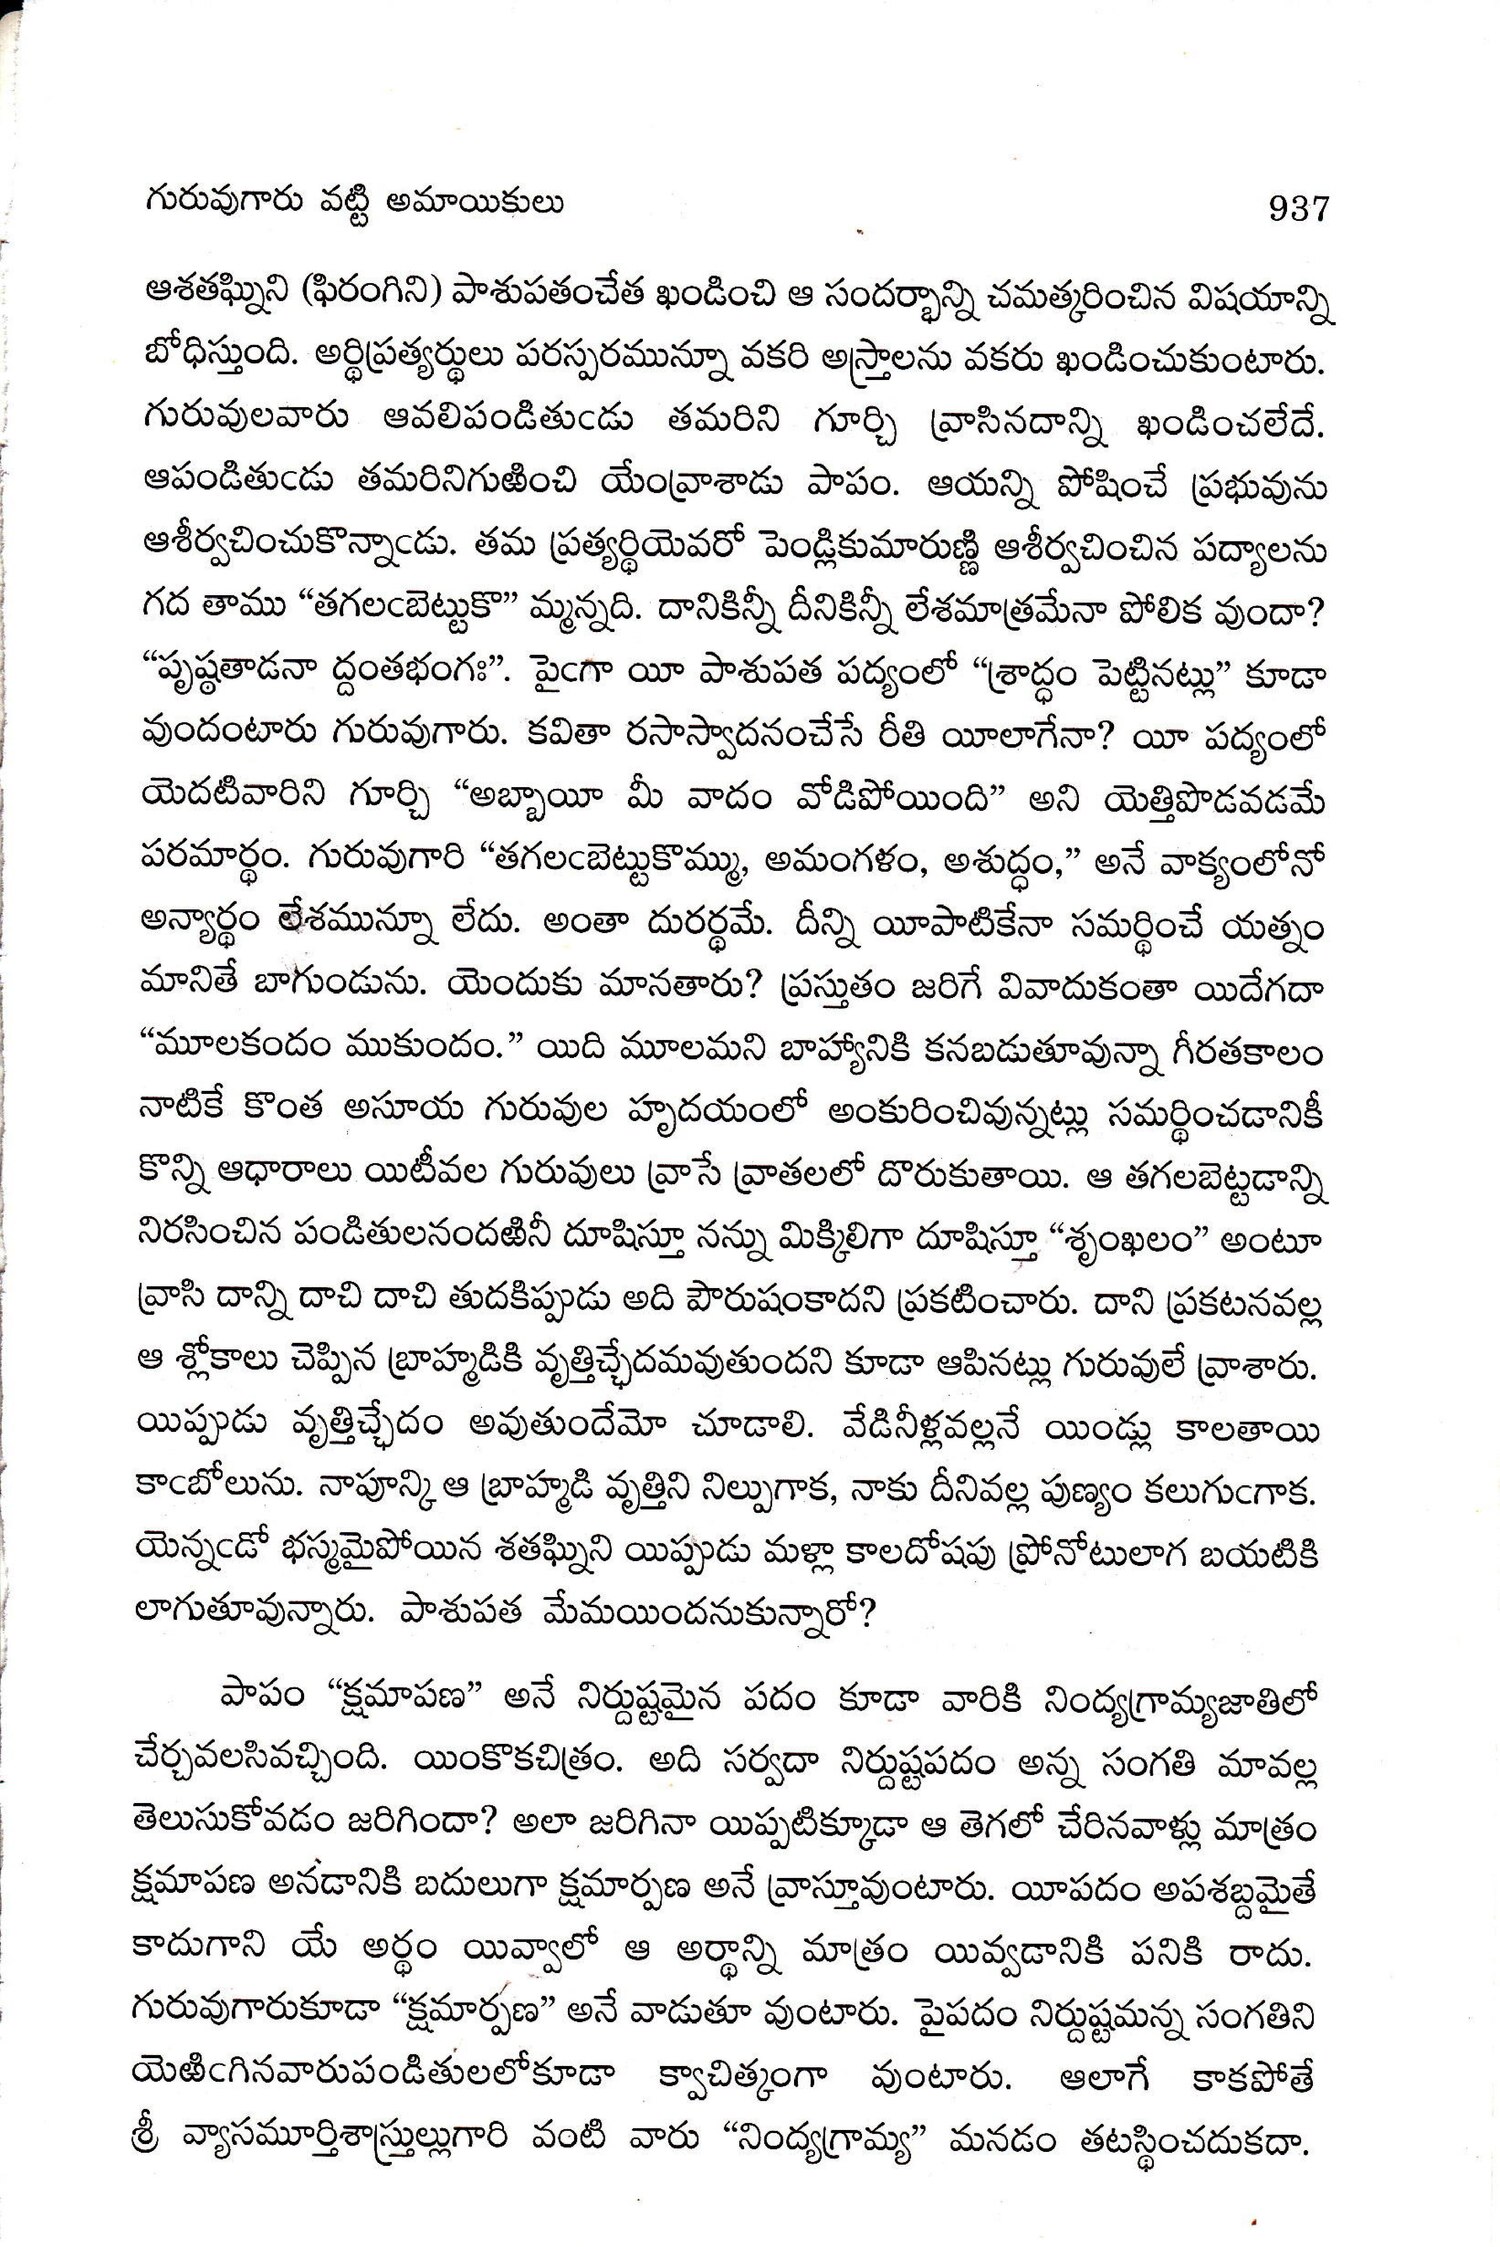ఆశతఘ్నిని (ఫిరంగిని) పాశుపతంచేత ఖండించి ఆ సందర్భాన్ని చమత్కరించిన విషయాన్ని బోధిస్తుంది. అర్థిప్రత్యర్థులు పరస్పరమున్నూ వకరి అస్త్రాలను వకరు ఖండించుకుంటారు. గురువులవారు ఆవలిపండితుఁడు తమరిని గూర్చి వ్రాసినదాన్ని ఖండించలేదే. ఆపండితుఁడు తమరినిగుఱించి యేంవ్రాశాడు పాపం. ఆయన్ని పోషించే ప్రభువును ఆశీర్వచించుకొన్నాఁడు. తమ ప్రత్యర్ధియెవరో పెండ్లికుమారుణ్ణి ఆశీర్వచించిన పద్యాలను గద తాము "తగలఁబెట్టుకొ" మ్మన్నది. దానికిన్నీ దీనికిన్నీ లేశమాత్రమేనా పోలిక వుందా? "పృష్ఠతాడనా ద్దంతభంగః". పైగా యీ పాశుపత పద్యంలో "శ్రాద్ధం పెట్టినట్లు" కూడా వుందంటారు గురువుగారు. కవితా రసాస్వాదనంచేసే రీతి యీలాగేనా? యీ పద్యంలో యెదటివారిని గూర్చి "అబ్బాయీ మీ వాదం వోడిపోయింది" అని యెత్తిపొడవడమే పరమార్థం. గురువుగారి “తగలఁబెట్టుకొమ్ము అమంగళం, అశుద్ధం," అనే వాక్యంలోనో అన్యార్థం లేశమున్నూ లేదు. అంతా దురర్థమే. దీన్ని యీపాటికేనా సమర్థించే యత్నం మానితే బాగుండును. యెందుకు మానతారు? ప్రస్తుతం జరిగే వివాదుకంతా యిదేగదా “మూలకందం ముకుందం.” యిది మూలమని బాహ్యానికి కనబడుతూవున్నా గీరతకాలం నాటికే కొంత అసూయ గురువుల హృదయంలో అంకురించివున్నట్లు సమర్థించడానికీ కొన్ని ఆధారాలు యిటీవల గురువులు వ్రాసే వ్రాతలలో దొరుకుతాయి. ఆ తగలబెట్టడాన్ని నిరసించిన పండితులనందఱినీ దూషిస్తూ నన్ను మిక్కిలిగా దూషిస్తూ "శృంఖలం" అంటూ వ్రాసి దాన్ని దాచి దాచి తుదకిప్పుడు అది పౌరుషంకాదని ప్రకటించారు. దాని ప్రకటనవల్ల ఆ శ్లోకాలు చెప్పిన బ్రాహ్మడికి వృత్తిచ్ఛేదమవుతుందని కూడా ఆపినట్లు గురువులే వ్రాశారు. యిప్పుడు వృత్తిచ్ఛేదం అవుతుందేమో చూడాలి. వేడినీళ్లవల్లనే యిండ్లు కాలతాయి కాఁబోలును. నాపూన్కి ఆ బ్రాహ్మడి వృత్తిని నిల్పుగాక, నాకు దీనివల్ల పుణ్యం కలుగుఁగాక. యెన్నఁడో భస్మమైపోయిన శతఘ్నిని యిప్పుడు మళ్లా కాలదోషపు ప్రోనోటులాగ బయటికి లాగుతూవున్నారు. పాశుపత మేమయిందనుకున్నారో? -

పాపం "క్షమాపణ" అనే నిర్దుష్టమైన పదం కూడా వారికి నింద్యగ్రామ్యజాతిలో చేర్చవలసివచ్చింది. యింకొకచిత్రం. అది సర్వదా నిర్దుష్టపదం అన్న సంగతి మావల్ల తెలుసుకోవడం జరిగిందా? అలా జరిగినా యిప్పటిక్కూడా ఆ తెగలో చేరినవాళ్లు మాత్రం క్షమాపణ అనడానికి బదులుగా క్షమార్పణ అనే వ్రాస్తూవుంటారు. యీపదం అపశబ్దమైతే కాదుగాని యే అర్థం యివ్వాలో ఆ అర్ధాన్ని మాత్రం యివ్వడానికి పనికి రాదు. గురువుగారుకూడా "క్షమార్పణ" అనే వాడుతూ వుంటారు. పైపదం నిర్దుష్టమన్న సంగతిని యెఱిఁగినవారుపండితులలోకూడా క్వాచిత్కంగా వుంటారు. ఆలాగే కాకపోతే శ్రీ వ్యాసమూర్తిశాస్త్రుల్లుగారి వంటి వారు "నింద్యగ్రామ్య" మనడం తటస్థించదుకదా.